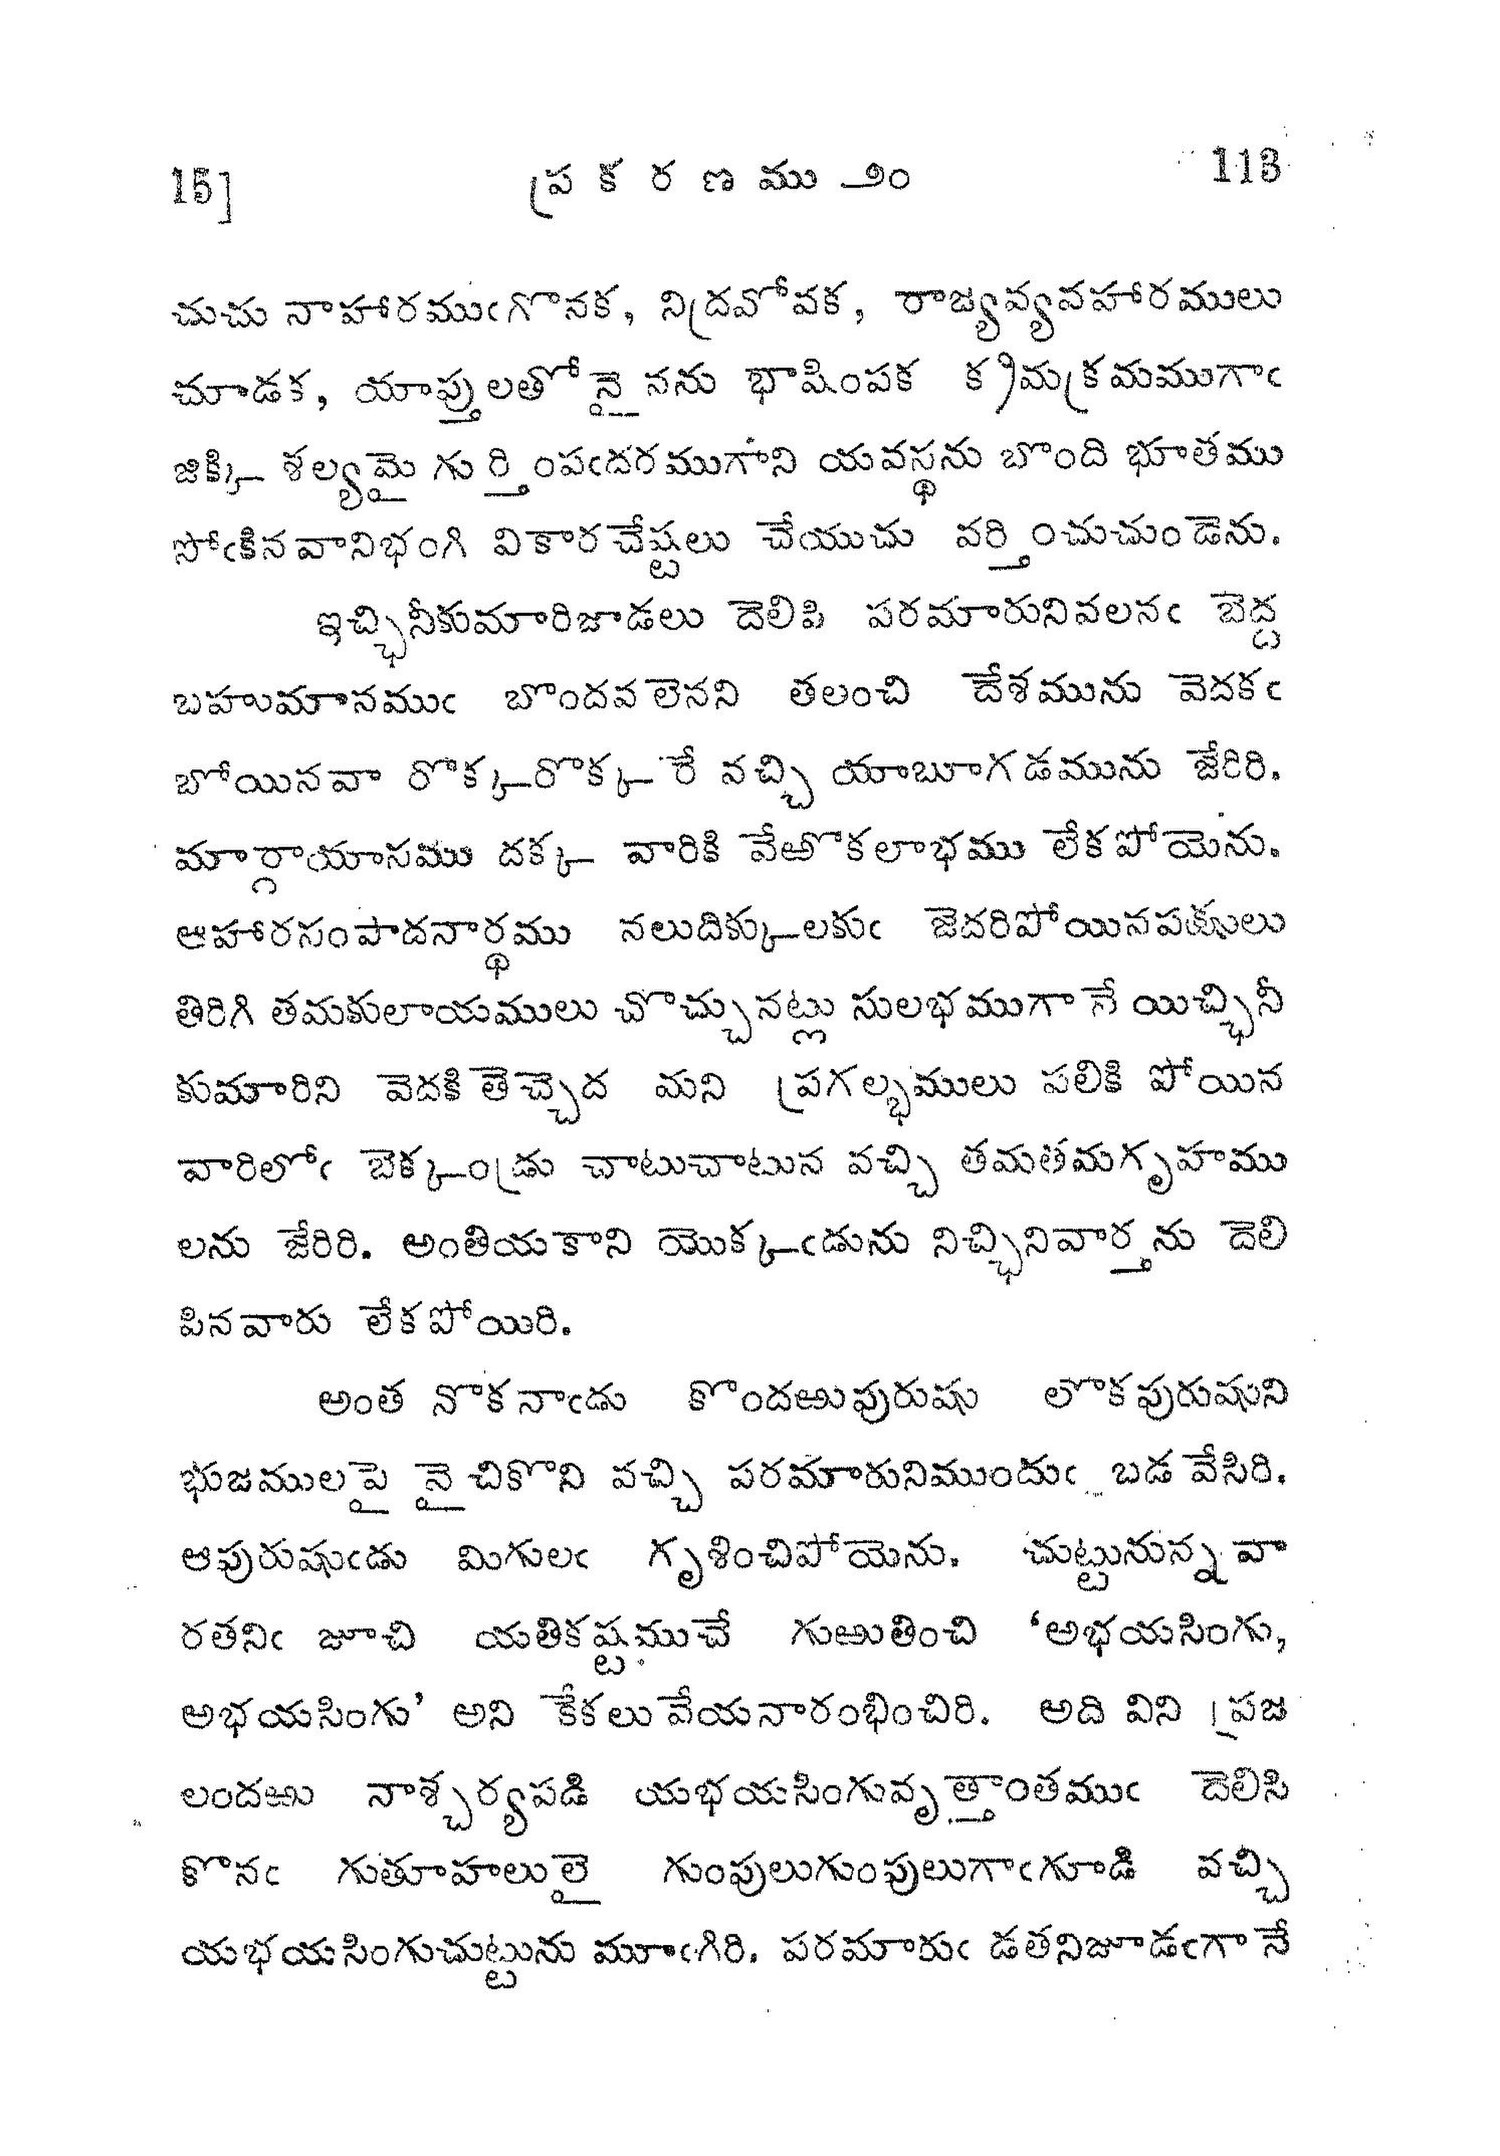చుచు నాహారముఁగొనక , నిద్రవోవక , రాజ్యవ్యనహారములు చూడక, యాప్తులతో నై నను భాషింపక క్రమక్రమముగాఁ జిక్కి శల్యమై గుర్తింపఁదరముగాని యవస్థను బొంది భూతము సోఁకిన వానిభంగి వికార చేష్టలు చేయుచు నర్తించుచుండెను. ఇచ్ఛినీకుమారి జాడలు దెలిపి పరమారునివలనఁ బెద్ద బహుమానముఁ బొందవ లెనని తలంచి దేశమును వెదకఁ బోయినవా రొక్కరొక్కరే నచ్చి యాబూగడమును జేరిరి. మార్గాయాసము దక్క వారికి వేటికలాభము లేక పోయెను. ఆహారసంపాదనార్థము నలుదిక్కులకుఁ జెదరిపోయిన పక్షులు తిరిగి తమకులాయములు చొచ్చునట్లు సులభముగా నే యిచ్ఛినీ కుమారిని వెదకి తెచ్చెద మని ప్రగల్భములు పలికి పోయిన వారిలో, బెక్కండ్రు చాటుచాటున వచ్చి తమతమగృహము లను జేరిరి. అంతియ కాని యొక్కఁడును నిచ్ఛినివార్తను దెలి పిన వారు లేకపోయిరి.

అంత నొకనాఁడు కొందఱు పురుషు లొక పురుషుని భుజములపై నై చికొని వచ్చి పరమారునిముందుఁ బడ వేసిరి. ఆపురుషుఁడు మిగులఁ గృశించిపోయెను, చుట్టునున్న వా రతనిఁ జూచి యతికష్టముచే గుఱుతించి 'అభయసింగు, అభయసింగు' అని కేకలు వేయనారంభించిరి. అది విని ప్రజ లందజు నాశ్చర్యపడి యభయసింగు వృత్తాంతముఁ దెలిసి కొనఁ గుతూహలులై గుంపులు గుంపులుగాఁ గూడి వచ్చి యభయసింగుచుట్టును మూఁగిరి. పరమారుఁ డతనిజూడగానే